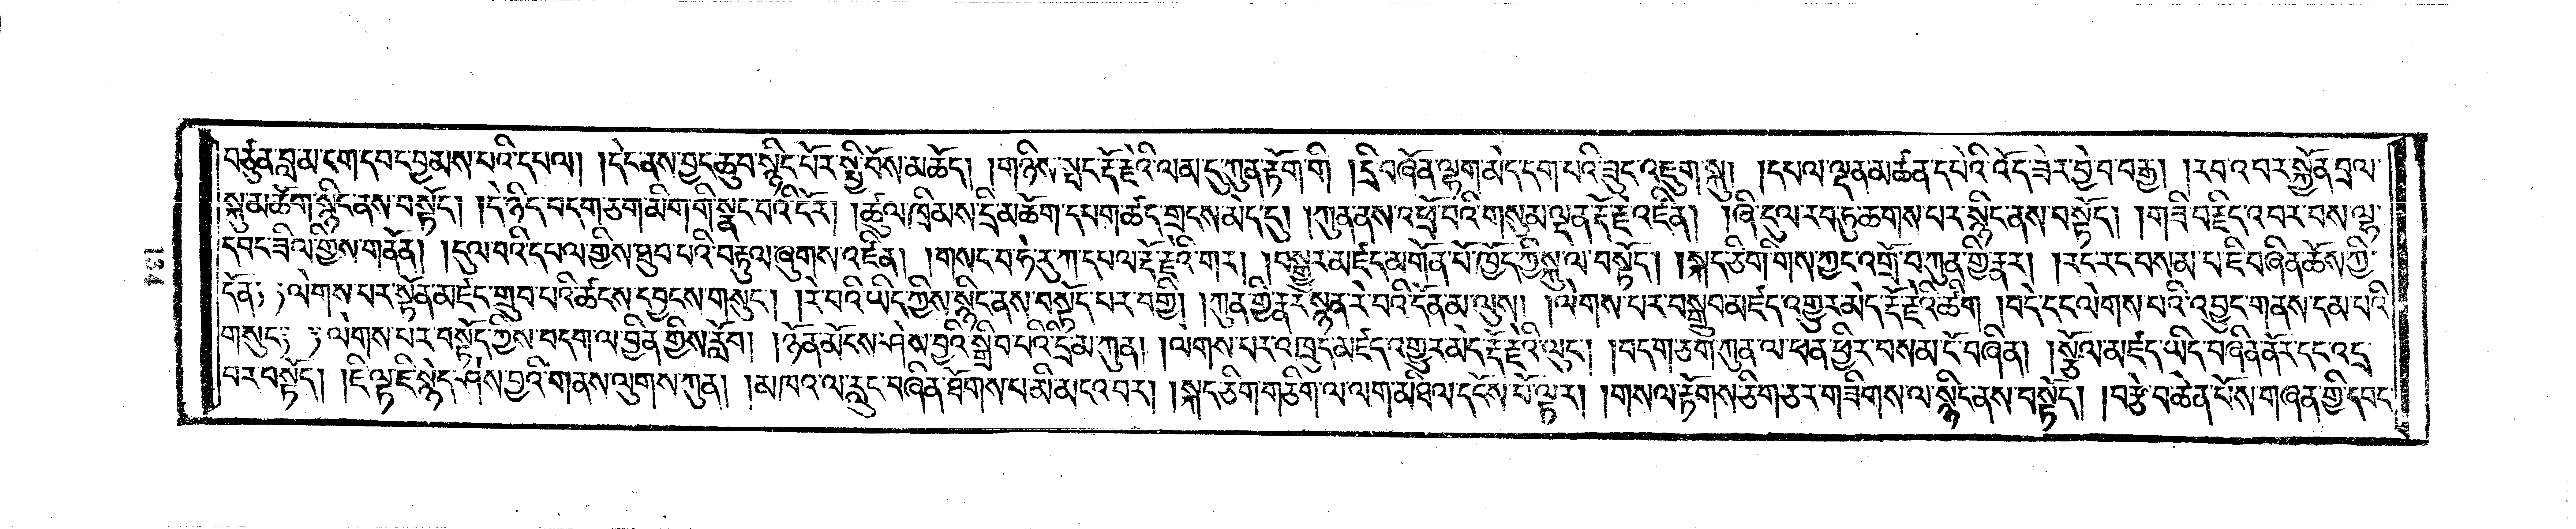བཙུན་བླ་མ་ངག་དབང་བྱམས་པའི་དཔལ། །དེང་ནས་བྱང་ཆུབ་སྙིང་པོར་སྤྱི་བོས་མཆོད། །གཉིས་སྤང་རྡོ་རྗེའི་ལམ་དུ་ཀུན་རྟོག་གི །དྲི་བཞོན་ལྷག་མེད་དག་པའི་ཟུང་འཇུག་སྐུ། །དཔལ་ལྡན་མཚན་དཔེའི་འོད་ཟེར་བྱེ་བ་བརྒྱ། །རབ་འབར་སྐྱོན་བྲལ་
སྐུ་མཆོག་སྙིང་ནས་བསྟོད། །དེ་ཉིད་བདག་ཅག་མིག་གི་སྣང་བའི་ངོར། །ཚུལ་ཁྲིམས་དྲི་མཆོག་དཔག་ཚད་གྲངས་མེད་དུ། །ཀུན་ནས་འཕྲོ་བའི་གསུམ་ལྡན་རྡོ་རྗེ་འཛིན། །ཞི་དུལ་རབ་ཏུ་ཆགས་པར་སྙིང་ནས་བསྟོད། །གཟི་བརྗིད་འབར་བས་ལྷ་
དབང་ཟིལ་གྱིས་གནོན། །དུལ་བའི་དཔལ་གྱིས་ཐུབ་པའི་བརྟུལ་ཞུགས་འཛིན། །གསང་བ་ཧེ་རུ་ཀ་དཔལ་རྡོ་རྗེའི་གར། །བསྒྱུར་མཛད་མགོན་པོ་ཁྱོད་ཀྱི་སྐུ་ལ་བསྟོད། །སྐད་ཅིག་གིས་ཀྱང་འགྲོ་བ་ཀུན་གྱི་རྣར། །རང་རང་བསམ་པ་ཇི་བཞིན་ཆོས་ཀྱི་
དོན༑ ༑ལེགས་པར་སྟོན་མཛད་གྲུབ་པའི་ཚངས་དབྱངས་གསུང་། །རེ་བའི་ཡིད་ཀྱིས་སྙིང་ནས་བསྟོད་པར་བགྱི། །ཀུན་གྱི་རྣར་སྙན་རེ་བའི་དོན་མ་ལུས། །ལེགས་པར་བསྒྲུབ་མཛད་འགྱུར་མེད་རྡོ་རྗེའི་ཚིག །བདེ་དང་ལེགས་བའི་འབྱུང་གནས་དམ་པའི་
གསུང༑ ༑ལེགས་པར་བསྟོད་ཀྱིས་བདག་ལ་བྱིན་གྱིས་རློབ། །ཉོན་མོངས་ཤེས་བྱའི་སྒྲིབ་པའི་དྲི་མ་ཀུན། །ལེགས་པར་འཁྲུད་མཛད་འགྱུར་མེད་རྡོ་རྗེའི་ལུང་། །བདག་ཅག་ཀུན་ལ་ཕན་ཕྱིར་བསམ་ངོ་བཞིན། །སྩོལ་མཛད་ཡིད་བཞིན་ནོར་དང་འདྲ་
བར་བསྟོད། །ཇི་ལྟ་ཇི་སྙེད་ཤེས་བྱའི་གནས་ལུགས་ཀུན། །མཁའ་ལ་རླུང་བཞིན་ཐོགས་པ་མི་མངའ་བར། །སྐད་ཅིག་གཅིག་ལ་ལག་མཐིལ་དངོས་པོ་ལྟར། །གསལ་རྟོགས་ཅིག་ཅར་གཟིགས་ལ་སྙིང་ནས་བསྟོད། །བརྩེ་བ་ཆེན་པོས་གཞན་གྱི་དབང་